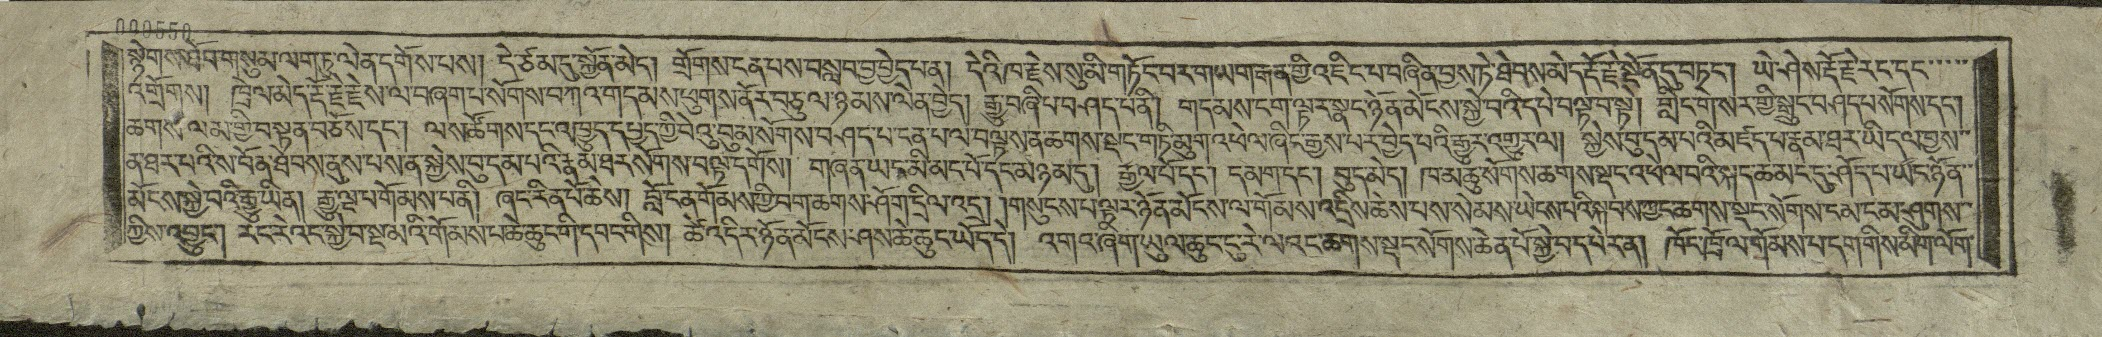སྙེགས་ཐོབ་གསུམ་ལག་ཏུ་ལེན་དགོས་པས། དེ་ཙམ་དུ་སྐྱོན་མེད། གྲོགས་ངན་པས་བསླབ་བྱ་བྱེད་པ་ན། དེའི་ཁ་རྗེས་སུ་མི་གཏོང་བར་གཡག་རྒན་གྱི་འཇིང་པ་བཞིན་བྱས་ཏེ་ཐེབས་མེད་རྡོ་རྗེ་སྔོན་དུ་བཏང་། ཡེ་ཤེས་རྡོ་རྗེ་རང་དང་
འགྲོགས། ཁྲེལ་མེད་རྡོ་རྗེ་རྗེས་ལ་བཞག་པ་སོགས་བཀའ་གདམས་ཕུགས་ནོར་བཅུ་ལ་ཉམས་ལེན་བྱེད། རྒྱུ་བཞི་པ་བཤད་པ་ནི། གདམས་ངག་ལྟར་སྣང་ཉོན་མོངས་སྐྱེ་བའི་དཔེ་བལྟ་བ་སྟེ། གླིང་གེ་སར་གྱི་སྒྲུང་བཤད་པ་སོགས་དང་།
ཆགས་ལམ་གྱི་བསྟན་བཅོས་དང་། ལས་ཚོགས་དང་འཁྱུད་དཔྱད་ཀྱི་བེའུ་བུམ་སོགས་བཤད་པ་ངན་པ་ལ་བལྟས་ན་ཆགས་སྡང་གཏི་མུག་འཕེལ་ཞིང་རྒྱས་པར་བྱེད་པའི་རྒྱུར་འགྱུར་ལ། སྐྱེས་བུ་དམ་པའི་མཛད་པ་རྣམ་ཐར་ཡིད་ལ་བྱས་
ན་ཐར་པའི་ས་བོན་ཐེབས་ནུས་པས་ན་སྐྱེས་བུ་དམ་པའི་རྣམ་ཐར་སོགས་བལྟ་དགོས། གཞན་ཡང་མི་མང་པོ་དང་མཉམ་དུ། རྒྱལ་པོ་དང་། དམག་དང་། བུད་མེད། ཁ་མཆུ་སོགས་ཆགས་སྡང་འཕེལ་བའི་སྐད་ཆ་མང་དུ་ཤོད་པ་ཡང་ཉོན་
མོངས་སྐྱེ་བའི་རྒྱུ་ཡིན། རྒྱུ་ལྔ་པ་གོམས་པ་ནི། ཞང་རིན་པོ་ཆེས། བློ་ངན་གོམས་ཀྱི་བག་ཆགས་ཤོག་དྲིལ་འདྲ། །གསུངས་པ་ལྟར་ཉོན་མོངས་ལ་གོམས་འདྲིས་ཆེས་པས་སེམས་ཡེངས་པའི་སྐབས་ཀྱང་ཆགས་སྡང་སོགས་ངམ་ངམ་ཤུགས་
ཀྱིས་འབྱུང་། རང་རེའང་སྐྱེ་བ་སྔ་མའི་གོམས་པ་ཆེ་ཆུང་གི་དབང་གིས། ཚེ་འདིར་ཉོན་མོངས་ཤས་ཆེ་ཆུང་ཡོད་དེ། འགའ་ཞིག་ཡུལ་ཆུང་ངུ་རེ་ལའང་ཆགས་སྡང་སོགས་ཆེན་པོ་སྐྱེ་བ་དཔེར་ན། ཁོང་ཁྲོ་ལ་གོམས་པ་དག་གིས་མིག་ལོག་